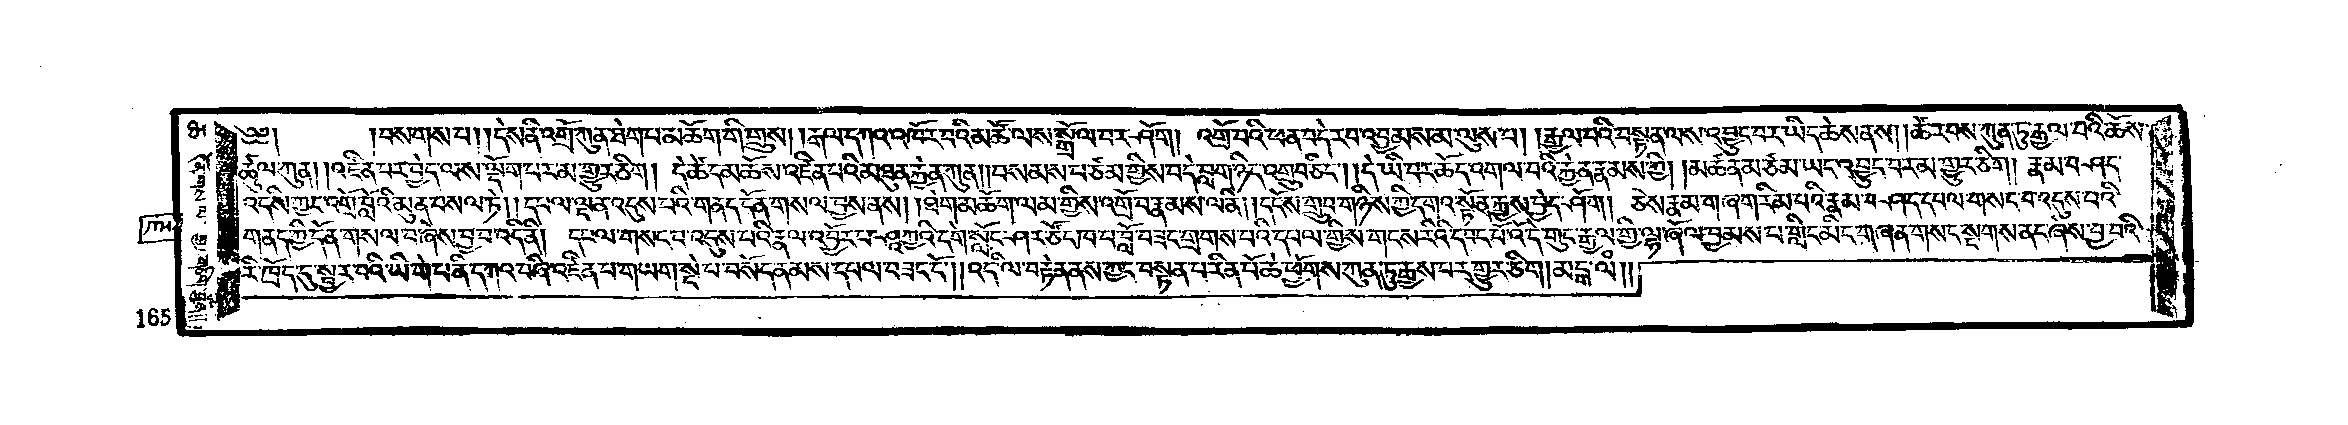༄༅། །བསགས་པ། །དེས་ན་འགྲོ་ཀུན་ཐེག་པ་མཆོག་གི་གྲུས། །རྒལ་དཀའ་འཁོར་བའི་མཚོ་ལས་སྒྲོལ་བར་ཤོག། འགྲོ་བའི་ཕན་བདེ་རབ་འབྱམས་མ་ལུས་པ། །རྒྱལ་བའི་བསྟན་ལས་འབྱུང་བར་ཡིད་ཆེས་ན། །ཚེ་རབས་ཀུན་ཏུ་རྒྱལ་བའི་ཆོས་
ཚུལ་ཀུན། །འཛིན་པར་བྱེད་ལས་ལྡོག་པར་མ་གྱུར་ཅིག། དེ་ཚེ་དམ་ཆོས་འཛིན་པའི་མཐུན་རྐྱེན་ཀུན། །བསམས་པ་ཙམ་གྱིས་བདེ་བླག་ཉིད་འགྲུབ་ཅིང་། །དེ་ཡི་བར་ཆོད་འགལ་བའི་རྐྱེན་རྣམས་ཀྱི། །མཚན་མ་ཙམ་ཡང་འབྱུང་བར་མ་གྱུར་ཅིག། རྣམ་བཤད་
འདིས་ཀྱང་འགྲོ་བློའི་མུན་བསལ་ཏེ། །དཔལ་ལྡན་འདུས་པའི་གནད་དོན་གསལ་བྱས་ནས། །ཐེག་མཆོག་ལམ་གྱིས་འགྲོ་བ་རྣམས་ནི། །དངོས་གྲུབ་གཉིས་ཀྱི་དགའ་སྟོན་རྒྱས་བྱེད་ཤོག། ཅེས་རྣམ་གཞག་རིམ་པའི་རྣམ་བཤད་དཔལ་གསང་བ་འདུས་པའི་
གནད་ཡི་དོན་གསལ་བ་ཞེས་བྱ་བ་འདི་ནི། དཔལ་གསང་བ་འདུས་པའི་རྣལ་འབྱོར་པ་ཤྰྐྱའི་དགེ་སློང་ཤར་ཙོང་ཁ་པ་བློ་བཟང་གྲགས་པའི་དཔལ་གྱིས་གངས་རིའི་དབང་པོ་འོ་དེ་གུང་རྒྱལ་གྱི་ལྷ་ཞོལ་བྱམས་པ་གླིང་མིང་གཞན་གསངས་སྔགས་ནང་ཞེས་བྱ་བའི་
རི་ཁྲོད་དུ་སྦྱར་བའི་ཡི་གེ་པ་ནི་དཀའ་བཞི་འཛིན་པ་གཡག་སྡེ་པ་བསོད་ནམས་དཔལ་བཟང་ངོ། །འདི་ལ་བརྟེན་ནས་ཀྱང་བསྟན་པ་པྲིན་པོ་ཆེ་ཕྱོགས་ཀུན་ཏུ་རྒྱར་པར་གྱུར་ཅིག། མངྒ་ལཾ། །